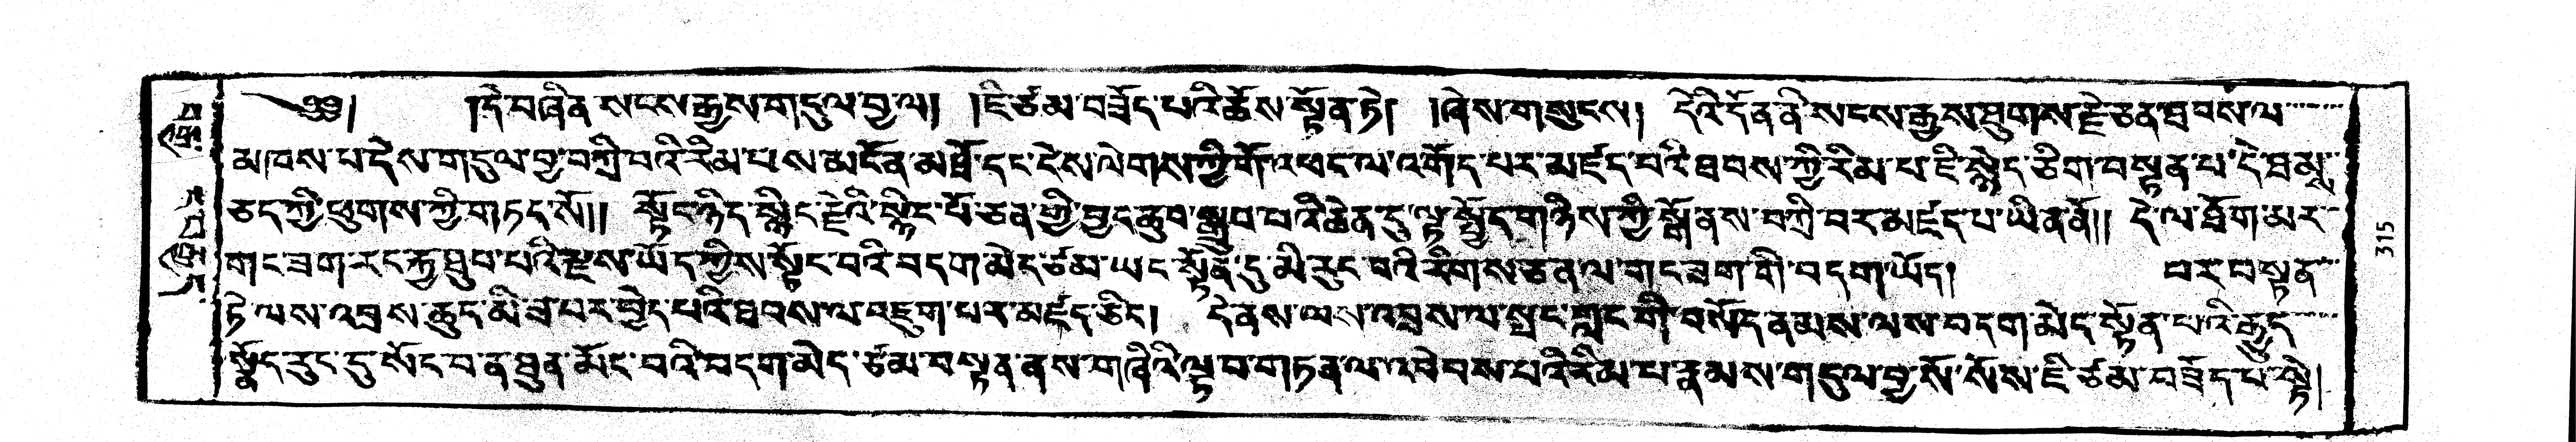༄༅། །དེ་བཞིན་སངས་རྒྱས་གདུལ་བྱ་ལ། །ཇི་ཙམ་བཟོད་པའི་ཆོས་སྟོན་ཏེ། །ཞེས་གསུངས། དེའི་དོན་ནི་སངས་རྒྱས་ཐུགས་རྗེ་ཅན་ཐབས་ལ་
མཁས་པ་དེས་གདུལ་བྱ་བཀྲི་བའི་རིམ་པས་མངོན་མཐོ་དང་དེས་ལེགས་ཀྱི་གོ་འཕང་ལ་འགོད་པར་མཛད་པའི་ཐབས་ཀྱི་རིམ་པ་ཇི་སྙེད་ཅིག་བསྟན་པ་དེ་ཐམས་
ཅད་ཀྱི་ཕུགས་ཀྱི་གཏད་སོ། །སྟོང་ཉིད་སྙིང་རྗེའི་སྙིང་པོ་ཅན་གྱི་བྱང་ཆུབ་སྒྲུབ་པའི་ཆེན་དུ་ལྟ་སྤྱོད་གཉིས་ཀྱི་སྒོ་ནས་བཀྲི་བར་མཛད་པ་ཡིན་ནོ། །དེ་ལ་ཐོག་མར་
གང་ཟག་རང་རྐྱ་ཐུབ་པའི་རྫས་ཡོད་ཀྱིས་སྟོང་བའི་བདག་མེད་ཙམ་ཡང་སྟོན་དུ་མི་རུང་བའི་རིགས་ཅན་ལ་གང་ཟག་གི་བདག་ཡོད། བར་བསྟན་
ཏེ་ལས་འབྲས་ཆུང་མི་ཟ་བར་བྱེད་པའི་ཐབས་ལ་འཇུག་པར་མཛད་ཅིང་། དེ་ནས་ལས་འབྲས་ལ་སྤང་གླང་གི་བསོད་ནམས་ལས་བདག་མེད་སྟོན་པའི་རྒྱུད་
སྣོད་རུང་དུ་སོང་བ་ན་ཐུན་མོང་བའི་བདག་མེད་ཙམ་བསྟན་ནས་གཞིའི་ལྟ་བ་གཏན་ལ་འབེབས་པའི་རིམ་པ་རྣམས་གདུལ་བྱ་སོ་སོས་ཇི་ཙམ་བཟོད་པ་སྟེ།